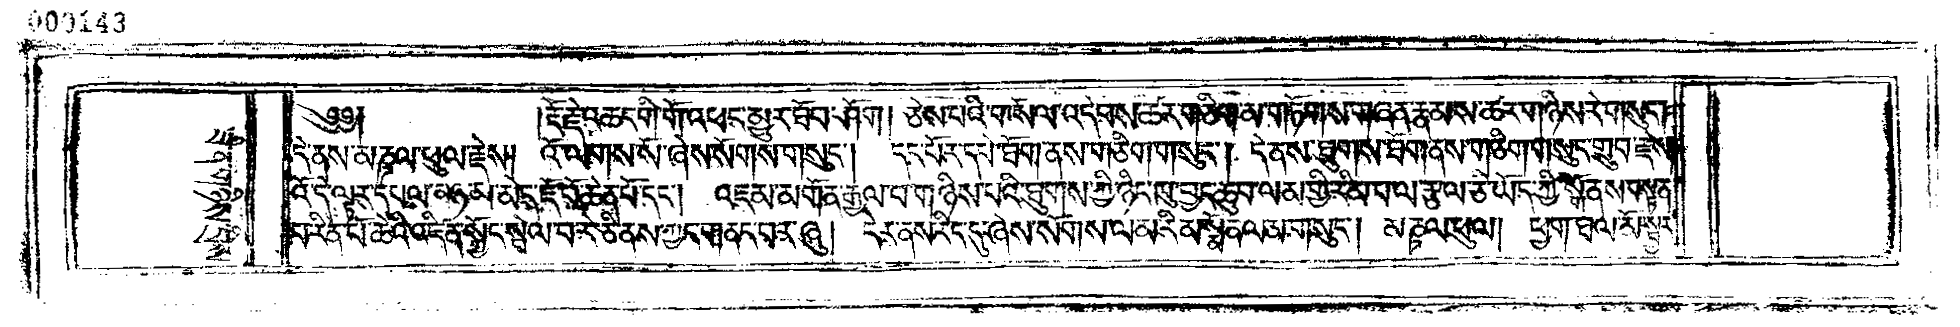༄༅། །རྡོ་རྗེ་འཆང་གི་གོ་འཕང་མྱུར་ཐོབ་ཤོག །ཅེས་པའི་གསོལ་འདེབས་ཚར་གཅིག་མ་གཏོགས་གཞན་རྣམས་ཚར་གཉིས་རེ་གསུང་།
དེ་ནས་མཎྜལ་ཕུལ་རྗེས། འོ་ལགས་སོ་ཞེས་སོགས་གསུང་། དང་པོར་དཔེ་ཐོག་ནས་གཅིག་གསུང་། དེ་ནས་ཐུགས་ཐོག་ནས་གཅིག་གསུང་གྲུབ་རྗེས།
འོ་དེ་ལྟར་དཔལ་མཉམ་མེད་ཇོ་བོ་ཆེན་པོ་དང་། འཇམ་མགོན་རྒྱལ་བ་གཉིས་པའི་ཐུགས་ཀྱི་ཉིང་ཁུ་བྱང་ཆུབ་ལམ་གྱི་རིམ་པ་ལ་རྩལ་ཅི་ཡོད་ཀྱི་སྒོ་ནས་བསྟན་
པ་རིན་པོ་ཆེའི་འཛིན་སྐྱོང་སྤེལ་བ་རེ་ཅི་ནས་ཀྱང་གནང་བར་ཞུ། དེར་ནས་རིང་དུ་ཞེས་སོགས་ལམ་རིམ་སྨོན་ལམ་གསུང་། མཎྜལ་ཕུལ། ཕྱག་ཐལ་མོ་སྦྱར་